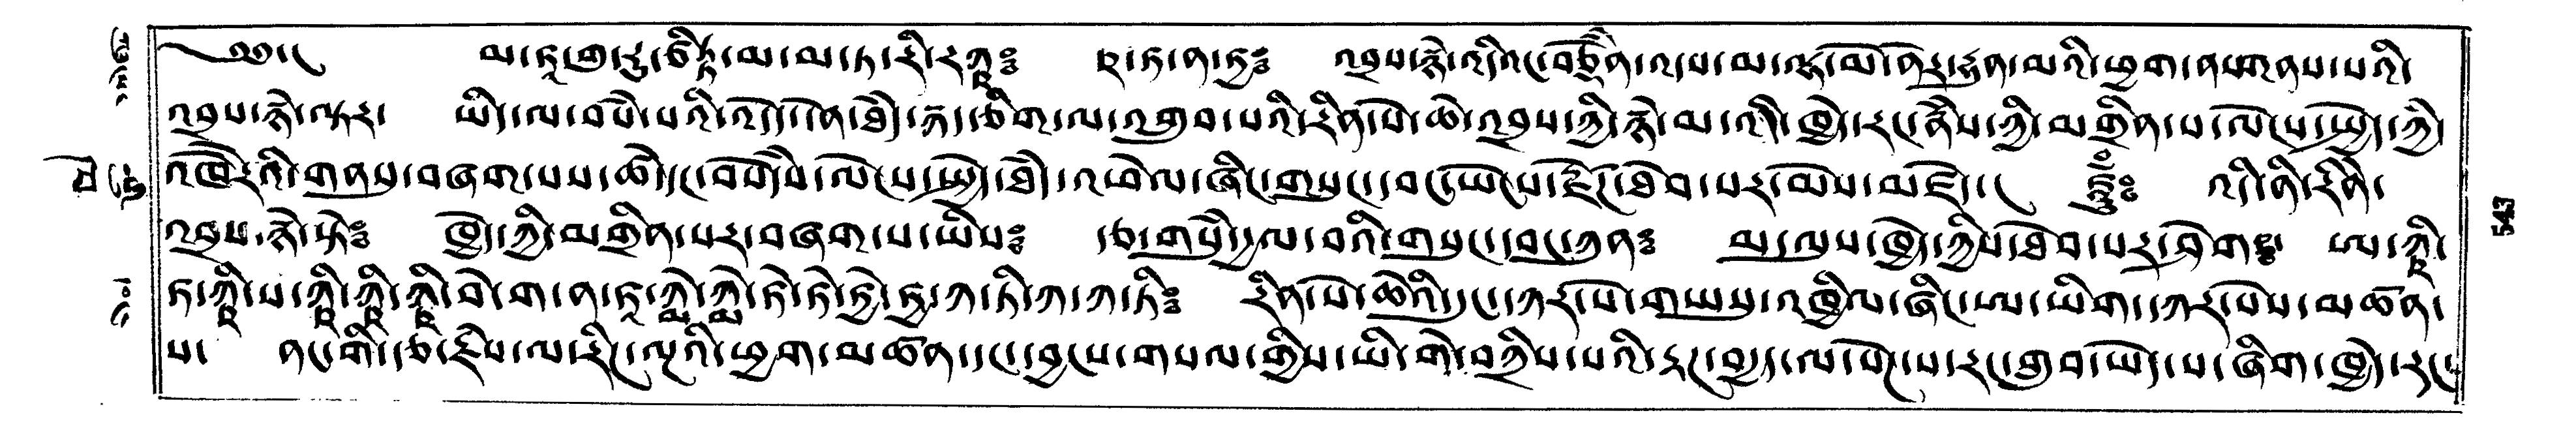་ཧཱ་གུ་རུ་ཙིཏྟ་མ་མ་ཏ་རི་རཀྵ༔ ར་ཧ་ན་ཧྱ༔ འབྲས་སྙེ་འདིའང་བཅོམ་ལྡན་འདས་མ་ལྷ་མོ་ནོར་རྒྱུན་མའི་ཕྱག་ནས་གནང་པའི་
འབྲས་སྙེ་ལྟར། ཡིད་ལ་བསམ་པའི་འདོད་དོན་ཐམས་ཅད་སྐད་ཅིག་ལ་འགྲུབ་པའི་རིན་པོ་ཆེ་འབྲས་ཀྱི་སྙེ་མ་འདི་ཁྱེད་རང་རྣམས་ཀྱི་མགྲིན་པ་ལོངས་སྤྱོད་ཀྱི་
འཁོར་ལོའི་གནས་སུ་བཞག་པས་ཚེ་དང་བསོད་ནམས་ལོངས་སྤྱོད་ཐམས་ཅདའཕེལ་ཞིང་གསུང་དབང་ཡོངས་རྫོགས་ཐོབ་པར་མོས་མཛོད། ཧཱུྃ༔ འདི་ནི་རིན་
ཆེན་འབྲས་སྙེ་སྟེ༔ ཁྱེད་ཀྱི་མགྲིན་པར་བཞག་པ་ཡིས༔ རྩ་གསུམ་རྒྱལ་བའི་གསུང་དབང་ཀུན༔ མ་ལུས་ཁྱེད་ཀྱིས་ཐོབ་པར་ཤོག༔ ཨ་ཀྵི་
ཧ་ཀྵི་ས་ཀྵི་ཀྵི་ཀྵི་བེ་ག་?ན་ཧཱ་ལྨེ་ཀྨེ་ཧེ་ཧེ་ཧྱེ་ཧྱ་ཀ་ཏི་ཀ་?ཀ་ཏི༔ རིན་པོ་ཆེའི་དུང་དཀར་པོ་གཡས་སུ་འཁྱིལ་ཞིང་ཨ་ཡིག་དཀར་པོས་མཚན་
པ།ནང་གི་རྩ་རྗེས་ལ་རིགས་ལྔའི་ཕྱག་མཚན་དང་དབྱངས་གསལ་གྱིས་ཡི་གེ་བཀྲ་ཤིས་པའི་རྟགས་བརྒྱད་ལ་སོགས་པ་རང་གྲུབ་ཡོད་པ་ཞིག་ཁྱེད་རང་